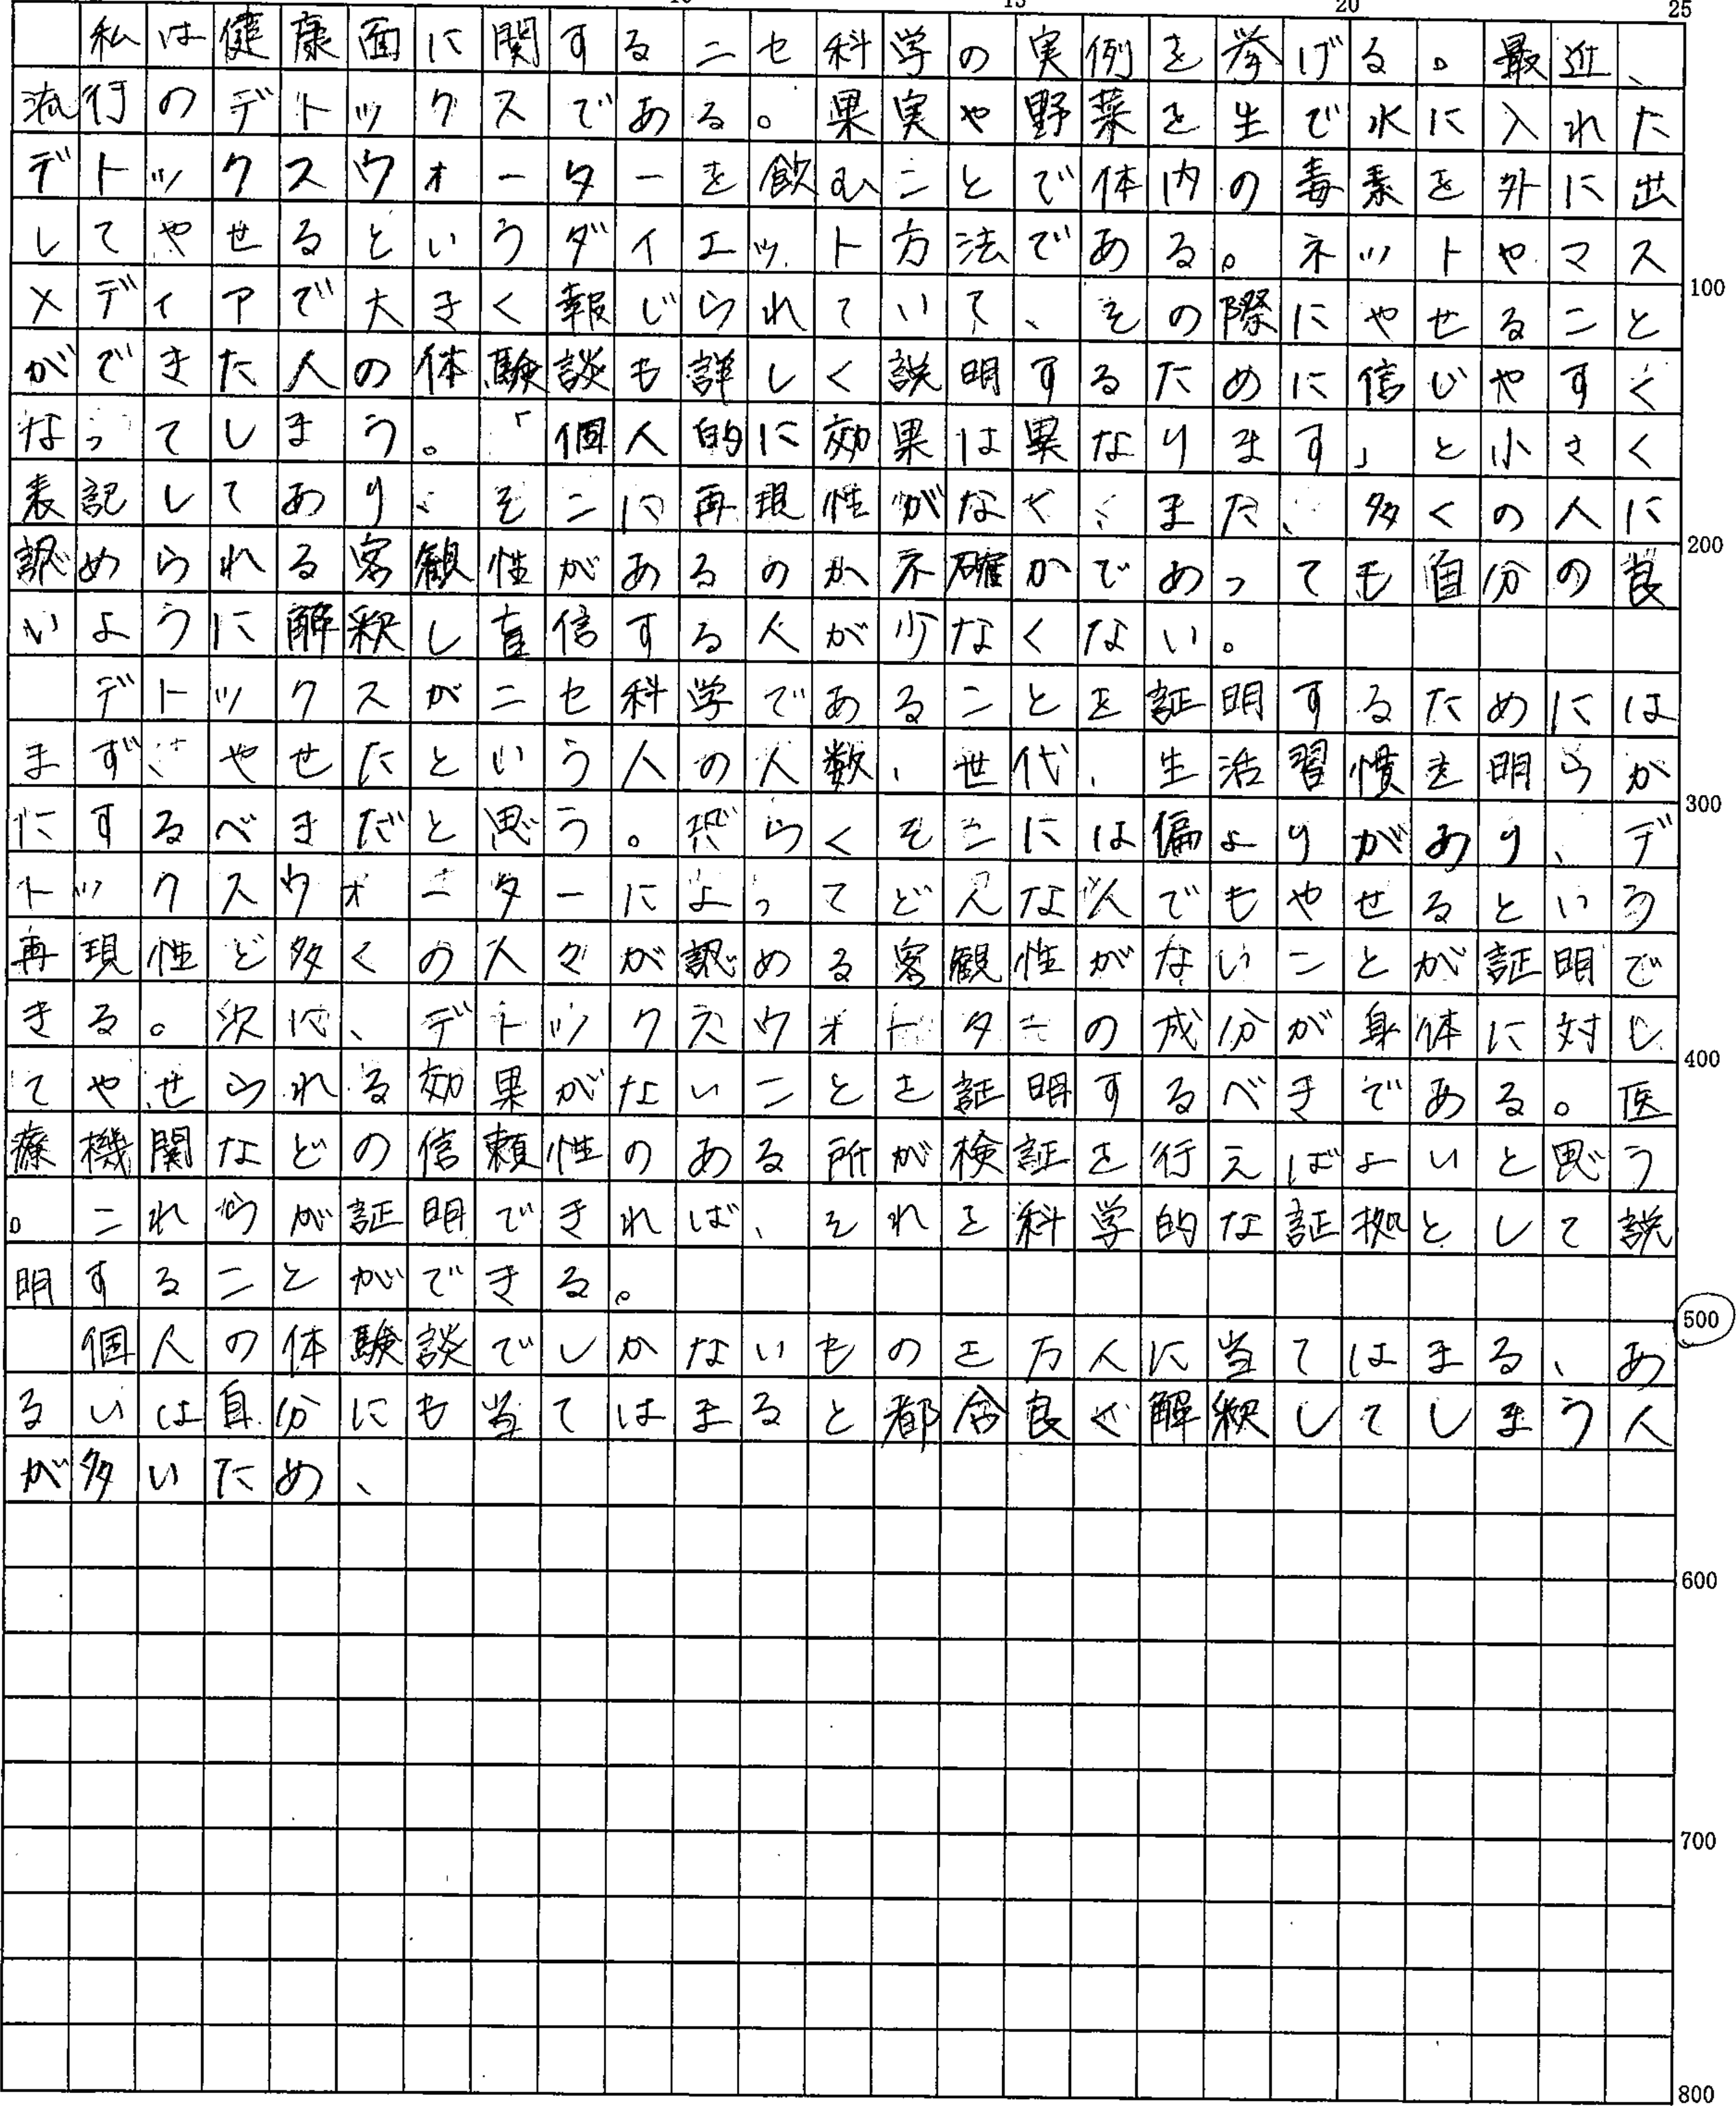　私は健康面に関するニセ科学の実例を挙げる。最近、流行のデトックスである。果実や野菜を生で水に入れたデトックスウォーターを飲むことで体内の毒素を外に出してやせるというダイエット方法である。ネットやマスメディアで大きく報じられていて、その際にやせることができた人の体験談も詳しく説明するために信じやすくなってしまう。「個人的に効果は異なります」と小さく表記してあり、そこに再現性がなく、また、多くの人に認められる客観性があるのか不確かであっても自分の良いように解釈し盲信する人が少なくない。
　デトックスがニセ科学であることを証明するためにはまず、やせたという人の人数、世代、生活習慣を明らかにするべきだと思う。恐らくそこには偏よりがあり、デトックスウォーターによってどんな人でもやせるという再現性と多くの人々が認める客観性がないことが証明できる。次に、デトックスウォーターの成分が身体に対してやせられる効果がないことを証明するべきである。医療機関などの信頼性のある所が検証を行えばよいと思う。これらが証明できれば、それを科学的な証拠として説明することができる。
　個人の体験談でしかないものを万人に当てはまる、あるいは自分にも当てはまると都合良く解釈してしまう人が多いため、
